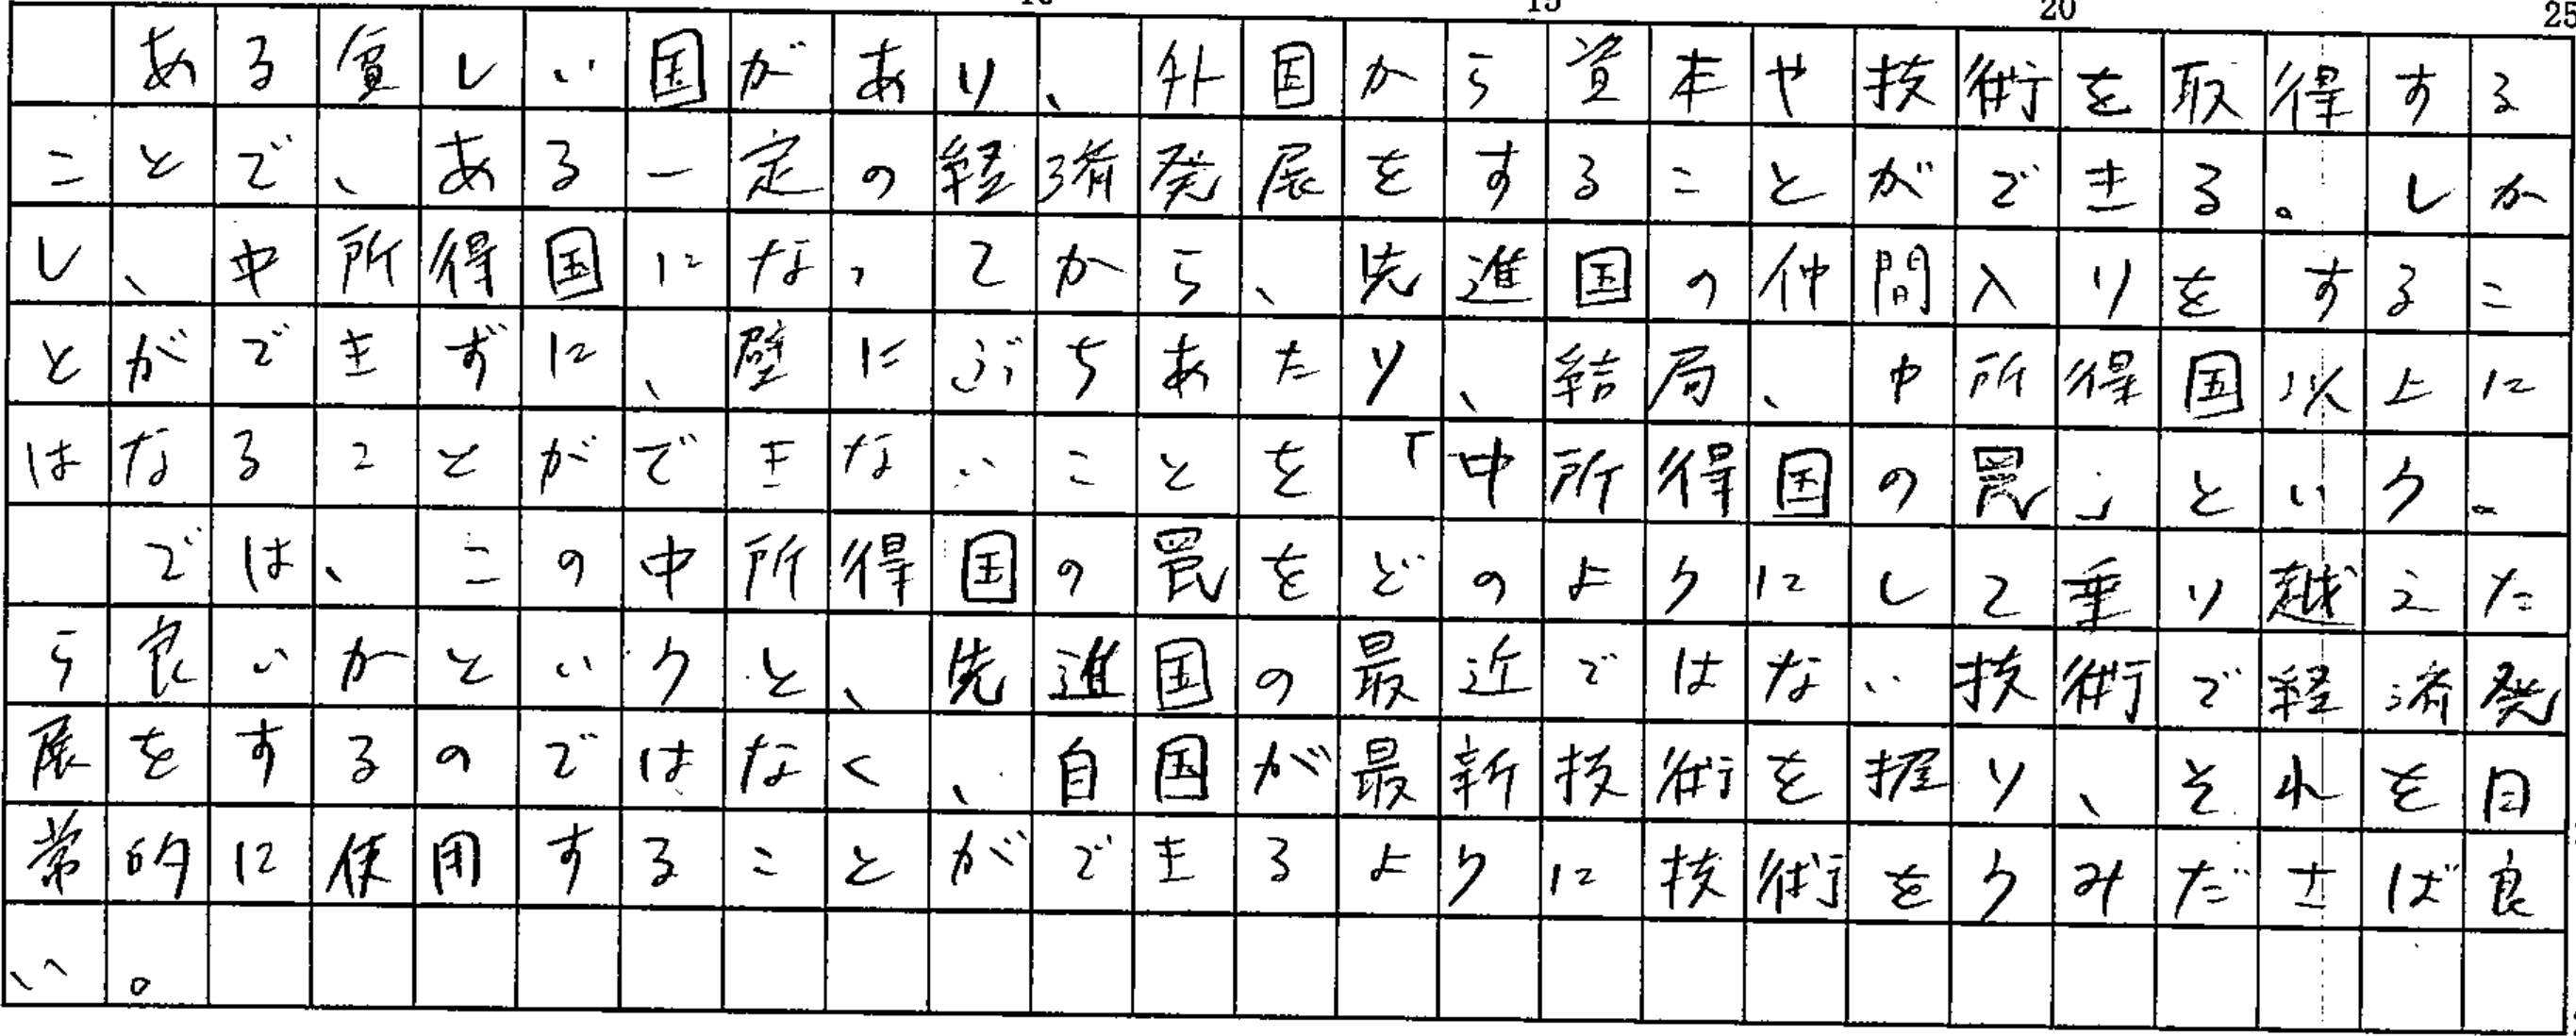　ある貧しい国があり、外国から資本や技術を取得することで、ある一定の経済発展をすることができる。しかし、中所得国になってから、先進国の仲間入りをすることができずに、壁にぶちあたり、結局、中所得国以上にはなることができないことを「中所得国の罠」という。
　では、この中所得国の罠をどのようにして乗り越えたら良いかというと、先進国の最近ではない技術で経済発展をするのではなく、自国が最新技術を渥り、それを日常的に使用することができるように技術をうみださば良い。
